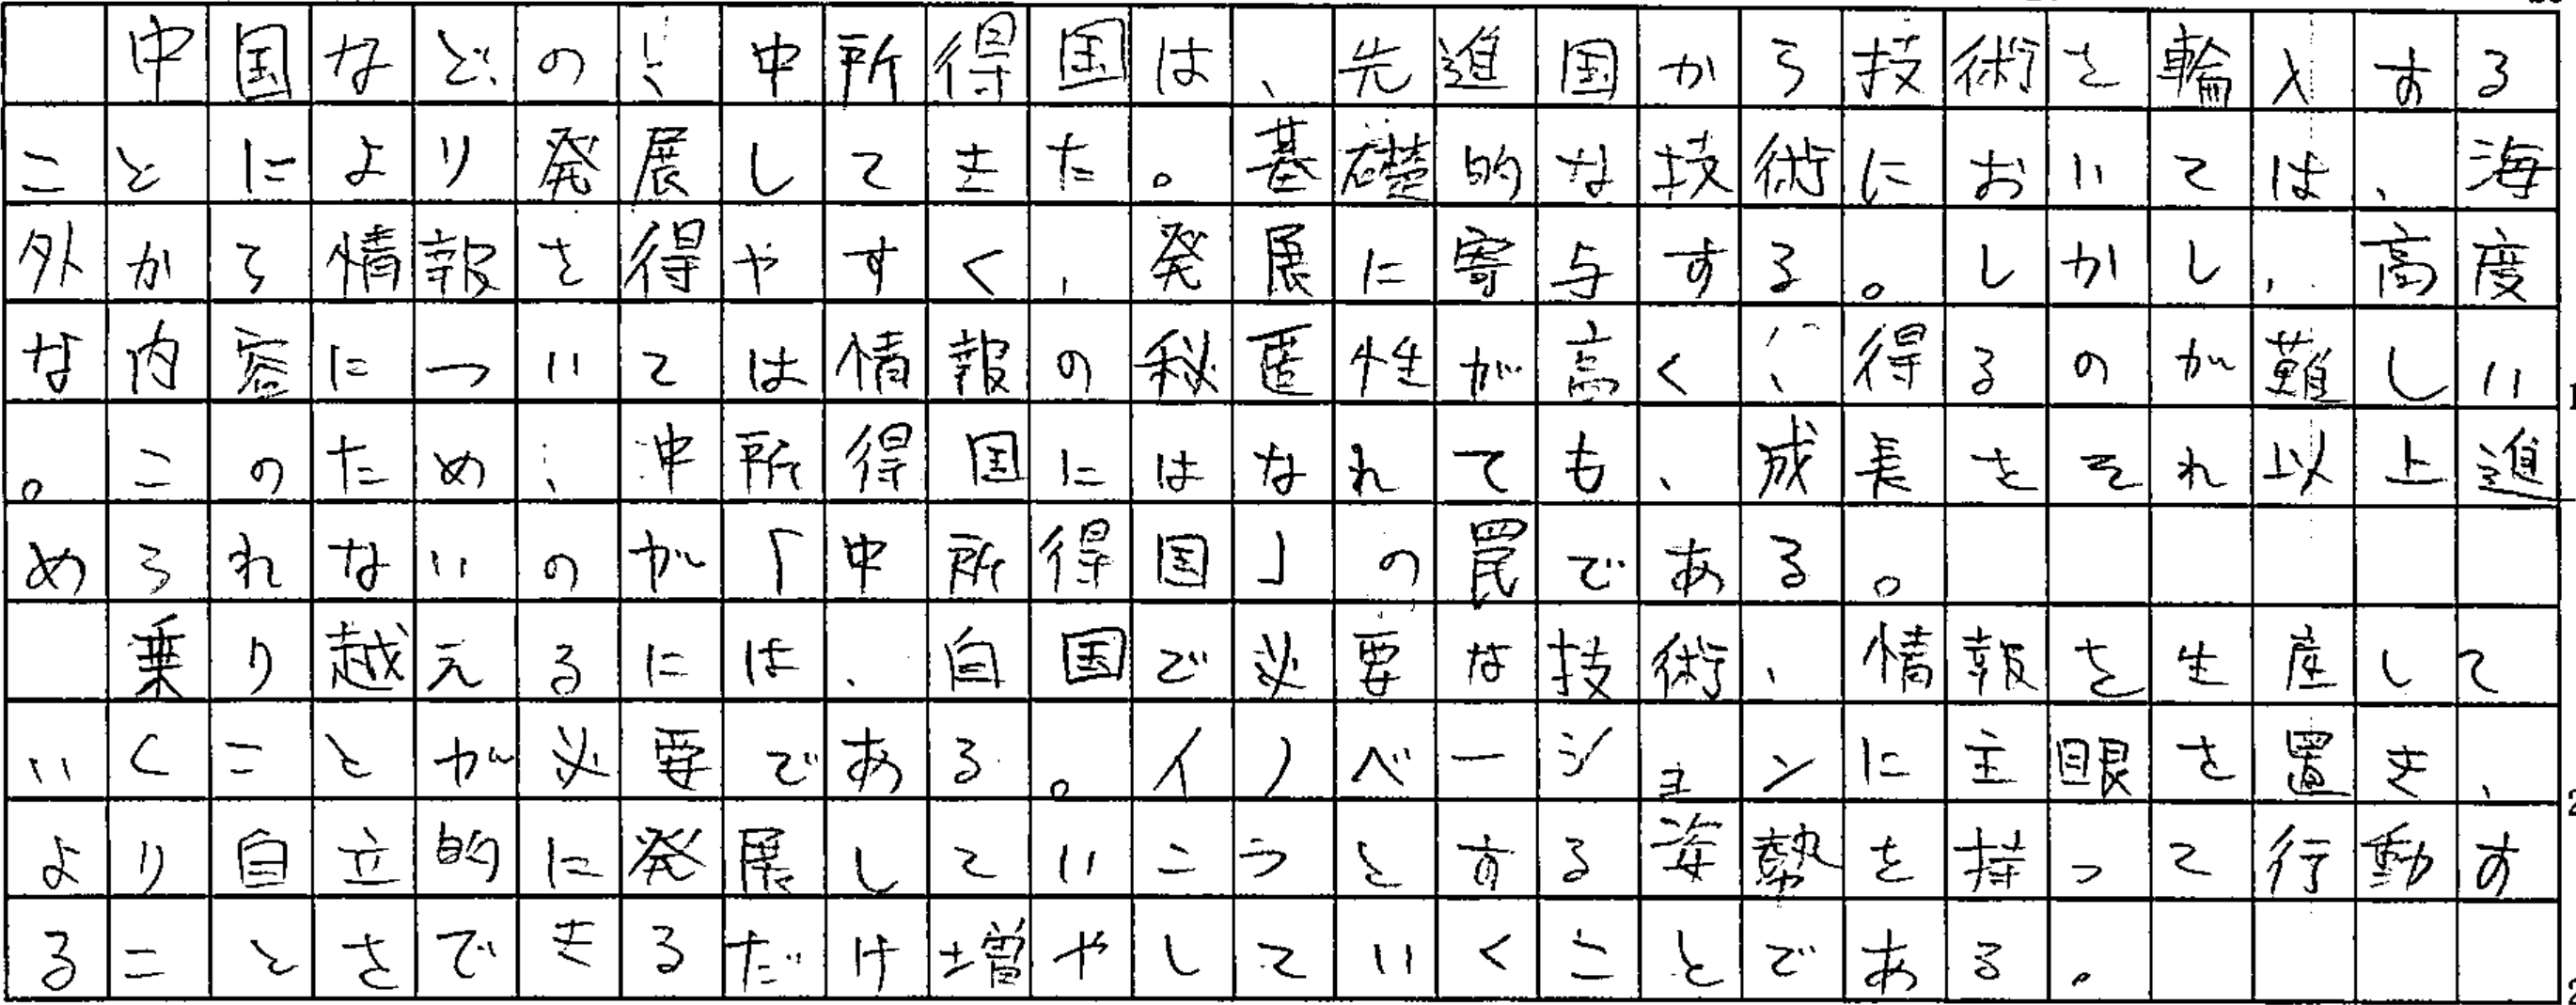　中国などの、中所得国は、先進国から技術を輪入することにより発展してきた。基礎的な技術においては、海外から情報を得やすく、発展に寄与する。しかし，高度な内容については情報の秘匿性が高く、得るのが難しい。このため、中所得国にはなれても、成長をそれ以上進められないのが「中所得国」の罠である。
　乗り越えるには、自国で必要な技術・情報を生産していくことが必要である。イノベーションに主眼を置き、より自立的に発展していこうとする姿勢を持って行動することをできるだけ増やしていくことである。
